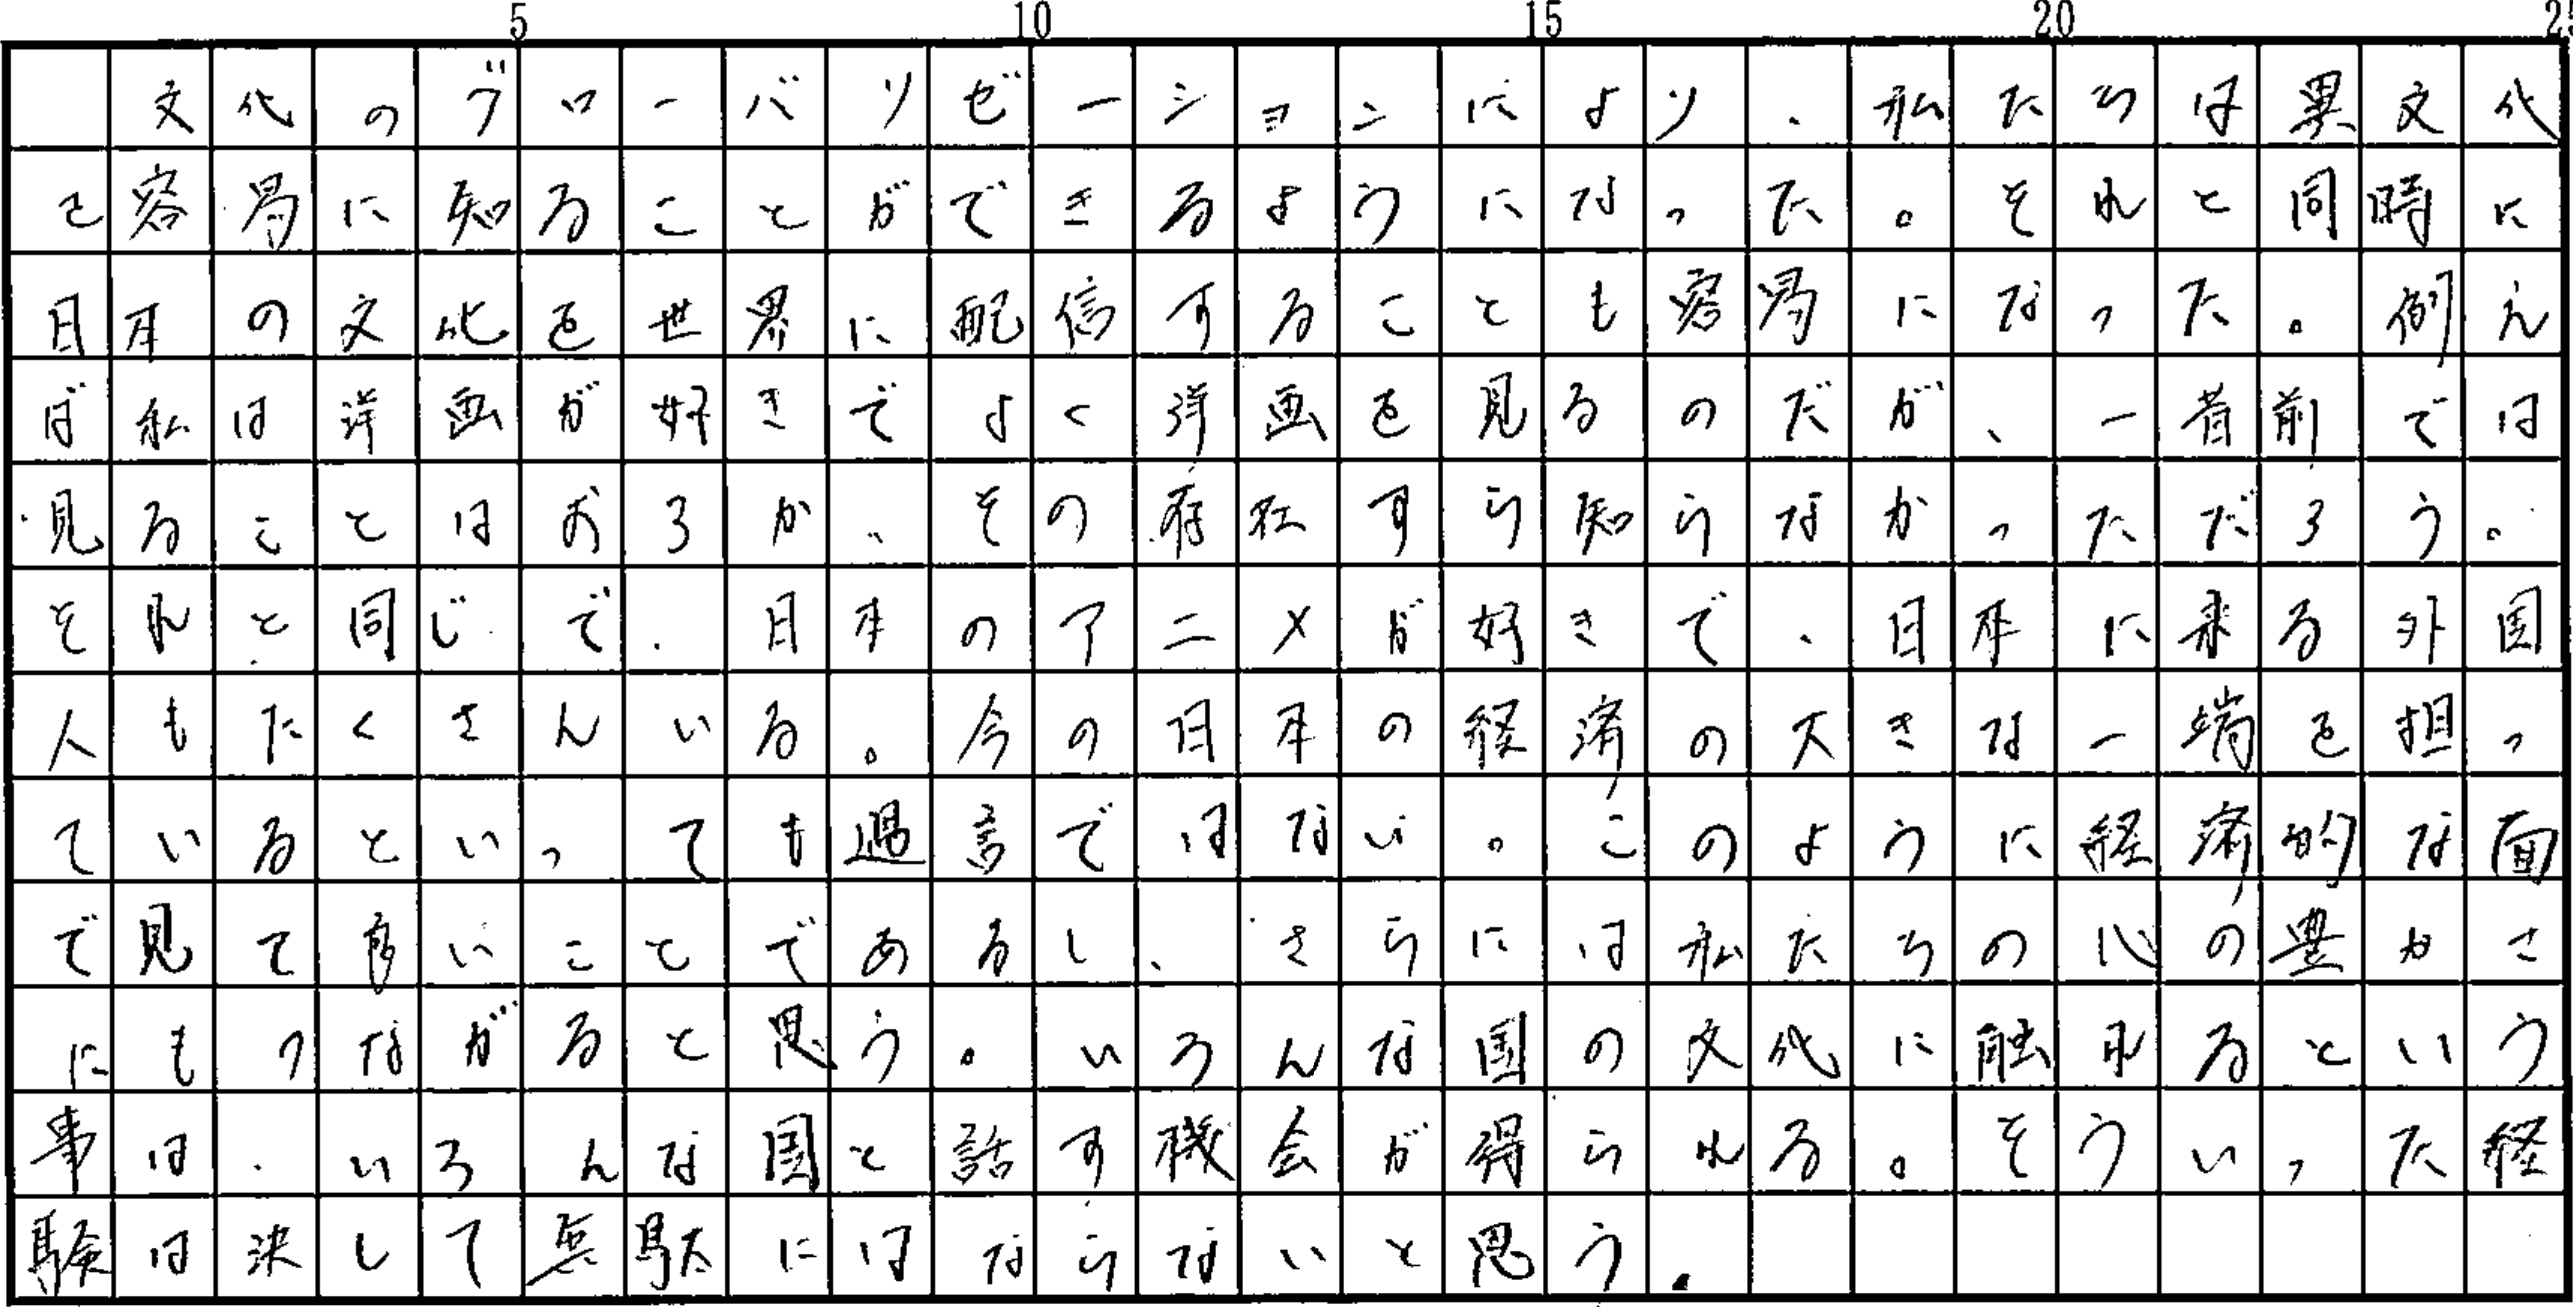　文化のグローバリゼーションにより、私たちは異文化を容▁に知ることができるようになった。それと同時に日本の文化を世界に配信することも容▁になった。例えば私は洋画が好きでよく洋画を見るのだが、一昔前では見ることはおろか、その存在すら知らなかっただろう。それと同じで、日本のアニメが好きで、日本に来る外国人もたくさんいる。今の日本の経済の大きな一端を担っているといっても過言ではない。このように経済的な面で見て良いことであるし、さらには私たちの心の豊かさにもつながると思う。いろんな国の文化に触れるという事は、いろんな国と話す機会が得られる。そういった経験は決して▁駄にはならないと思う。
